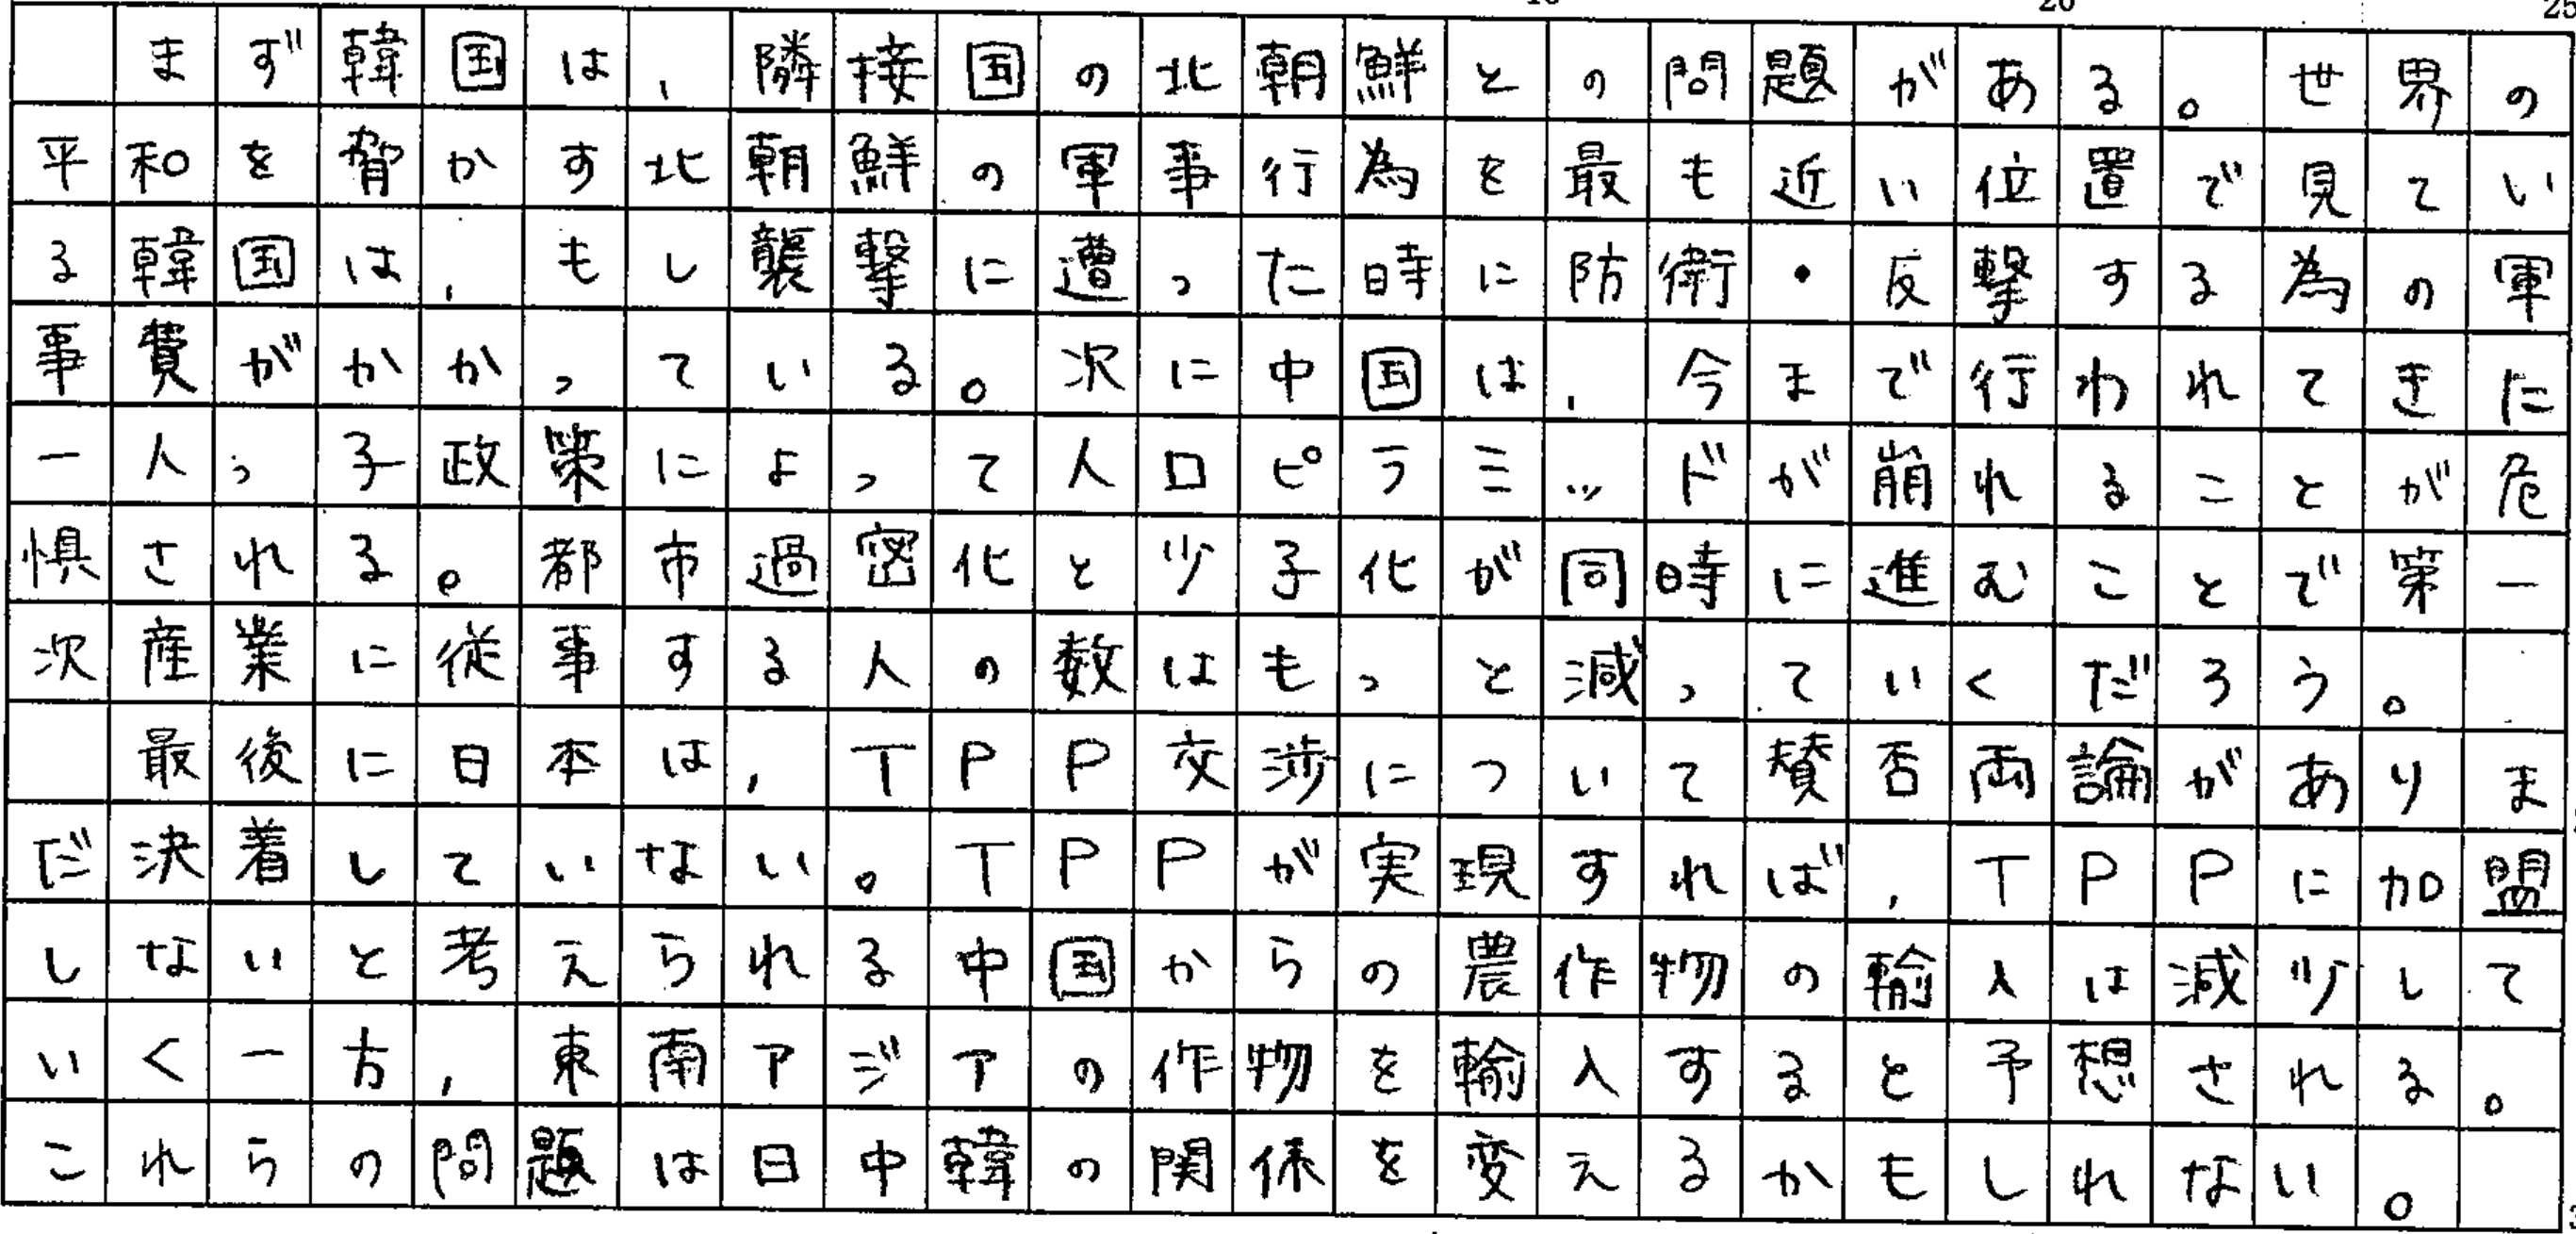　まず韓国は、隣接国の北朝鮮との問題がある。世界の平和を脅かす北朝鮮の軍事行為を最も近い位置で見ている韓国は，もし襲撃に遭った時に防衛・反撃する為の軍事費がかかっている。次に中国は，今まで行われてきた一人っ子政策によって人口ピラミッドが崩れることが危惧される。都市過密化と少子化が同時に進むことで第一次産業に従事する人の数はもっと減っていくだろう。
　最後に日本は，ＴＰＰ交渉について賛否両論がありまだ決着していない。ＴＰＰが実現すれば，ＴＰＰに加盟しないと考えられる中国からの農作物の輸入は減少していく一方，東南アジアの作物を輸入すると予想される。これらの問題は日中韓の関係を変えるかもしれない。
